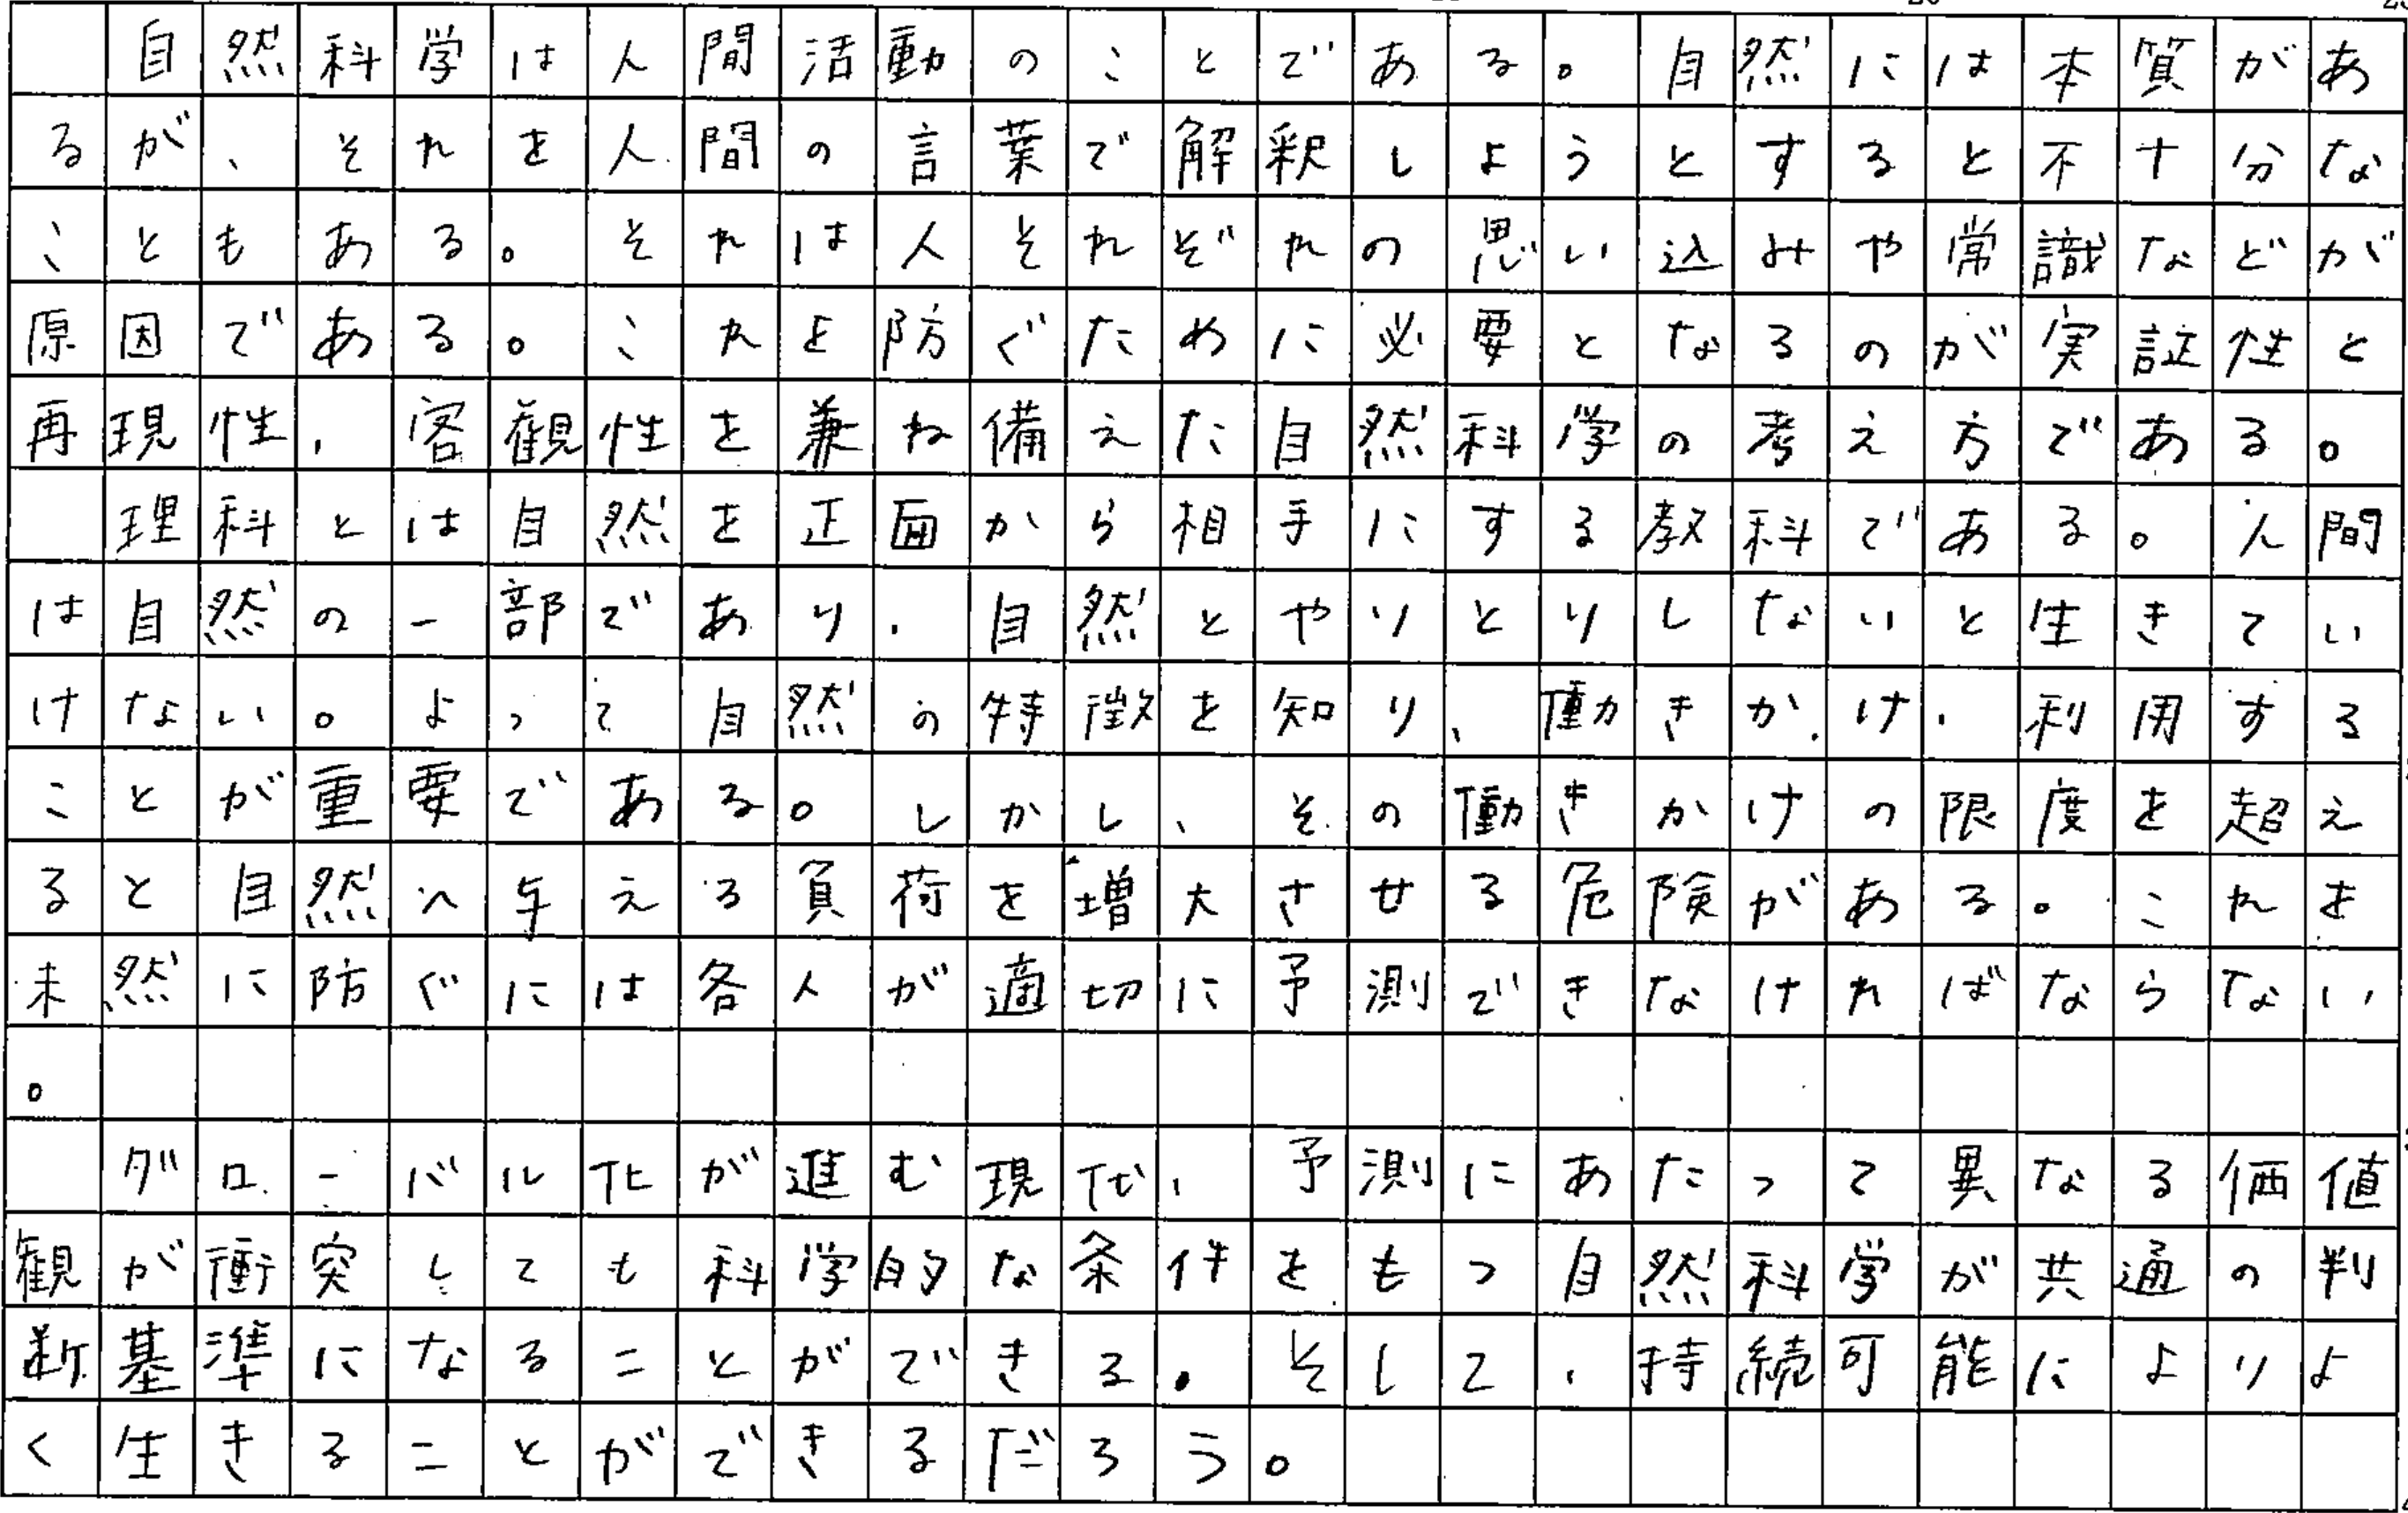　自然科学は人間活動のことである。自然には本質があるが、それを人間の言葉で解釈しようとすると不十分なこともある。それは人それぞれの思い込みや常識などが原因である。これを防ぐために必要となるのが実証性と再現性、客観性を兼ね備えた自然科学の考え方である。
　理科とは自然を正面から相手にする教科である。人間は自然の一部であり、自然とやりとりしないと生きていけない。よって自然の特徴を知り、働きかけ、利用することが重要である。しかし、その働きかけの限度を超えると自然へ与える負荷を増大させる危険がある。これを未然に防ぐには各人が適切に予測できなければならない。
　グローバル化が進む現代、予測にあたって異なる価値観が衝突しても科学的な条件をもつ自然科学が共通の判断基準になることができる。そして、持続可能によりよく生きることができるだろう。
